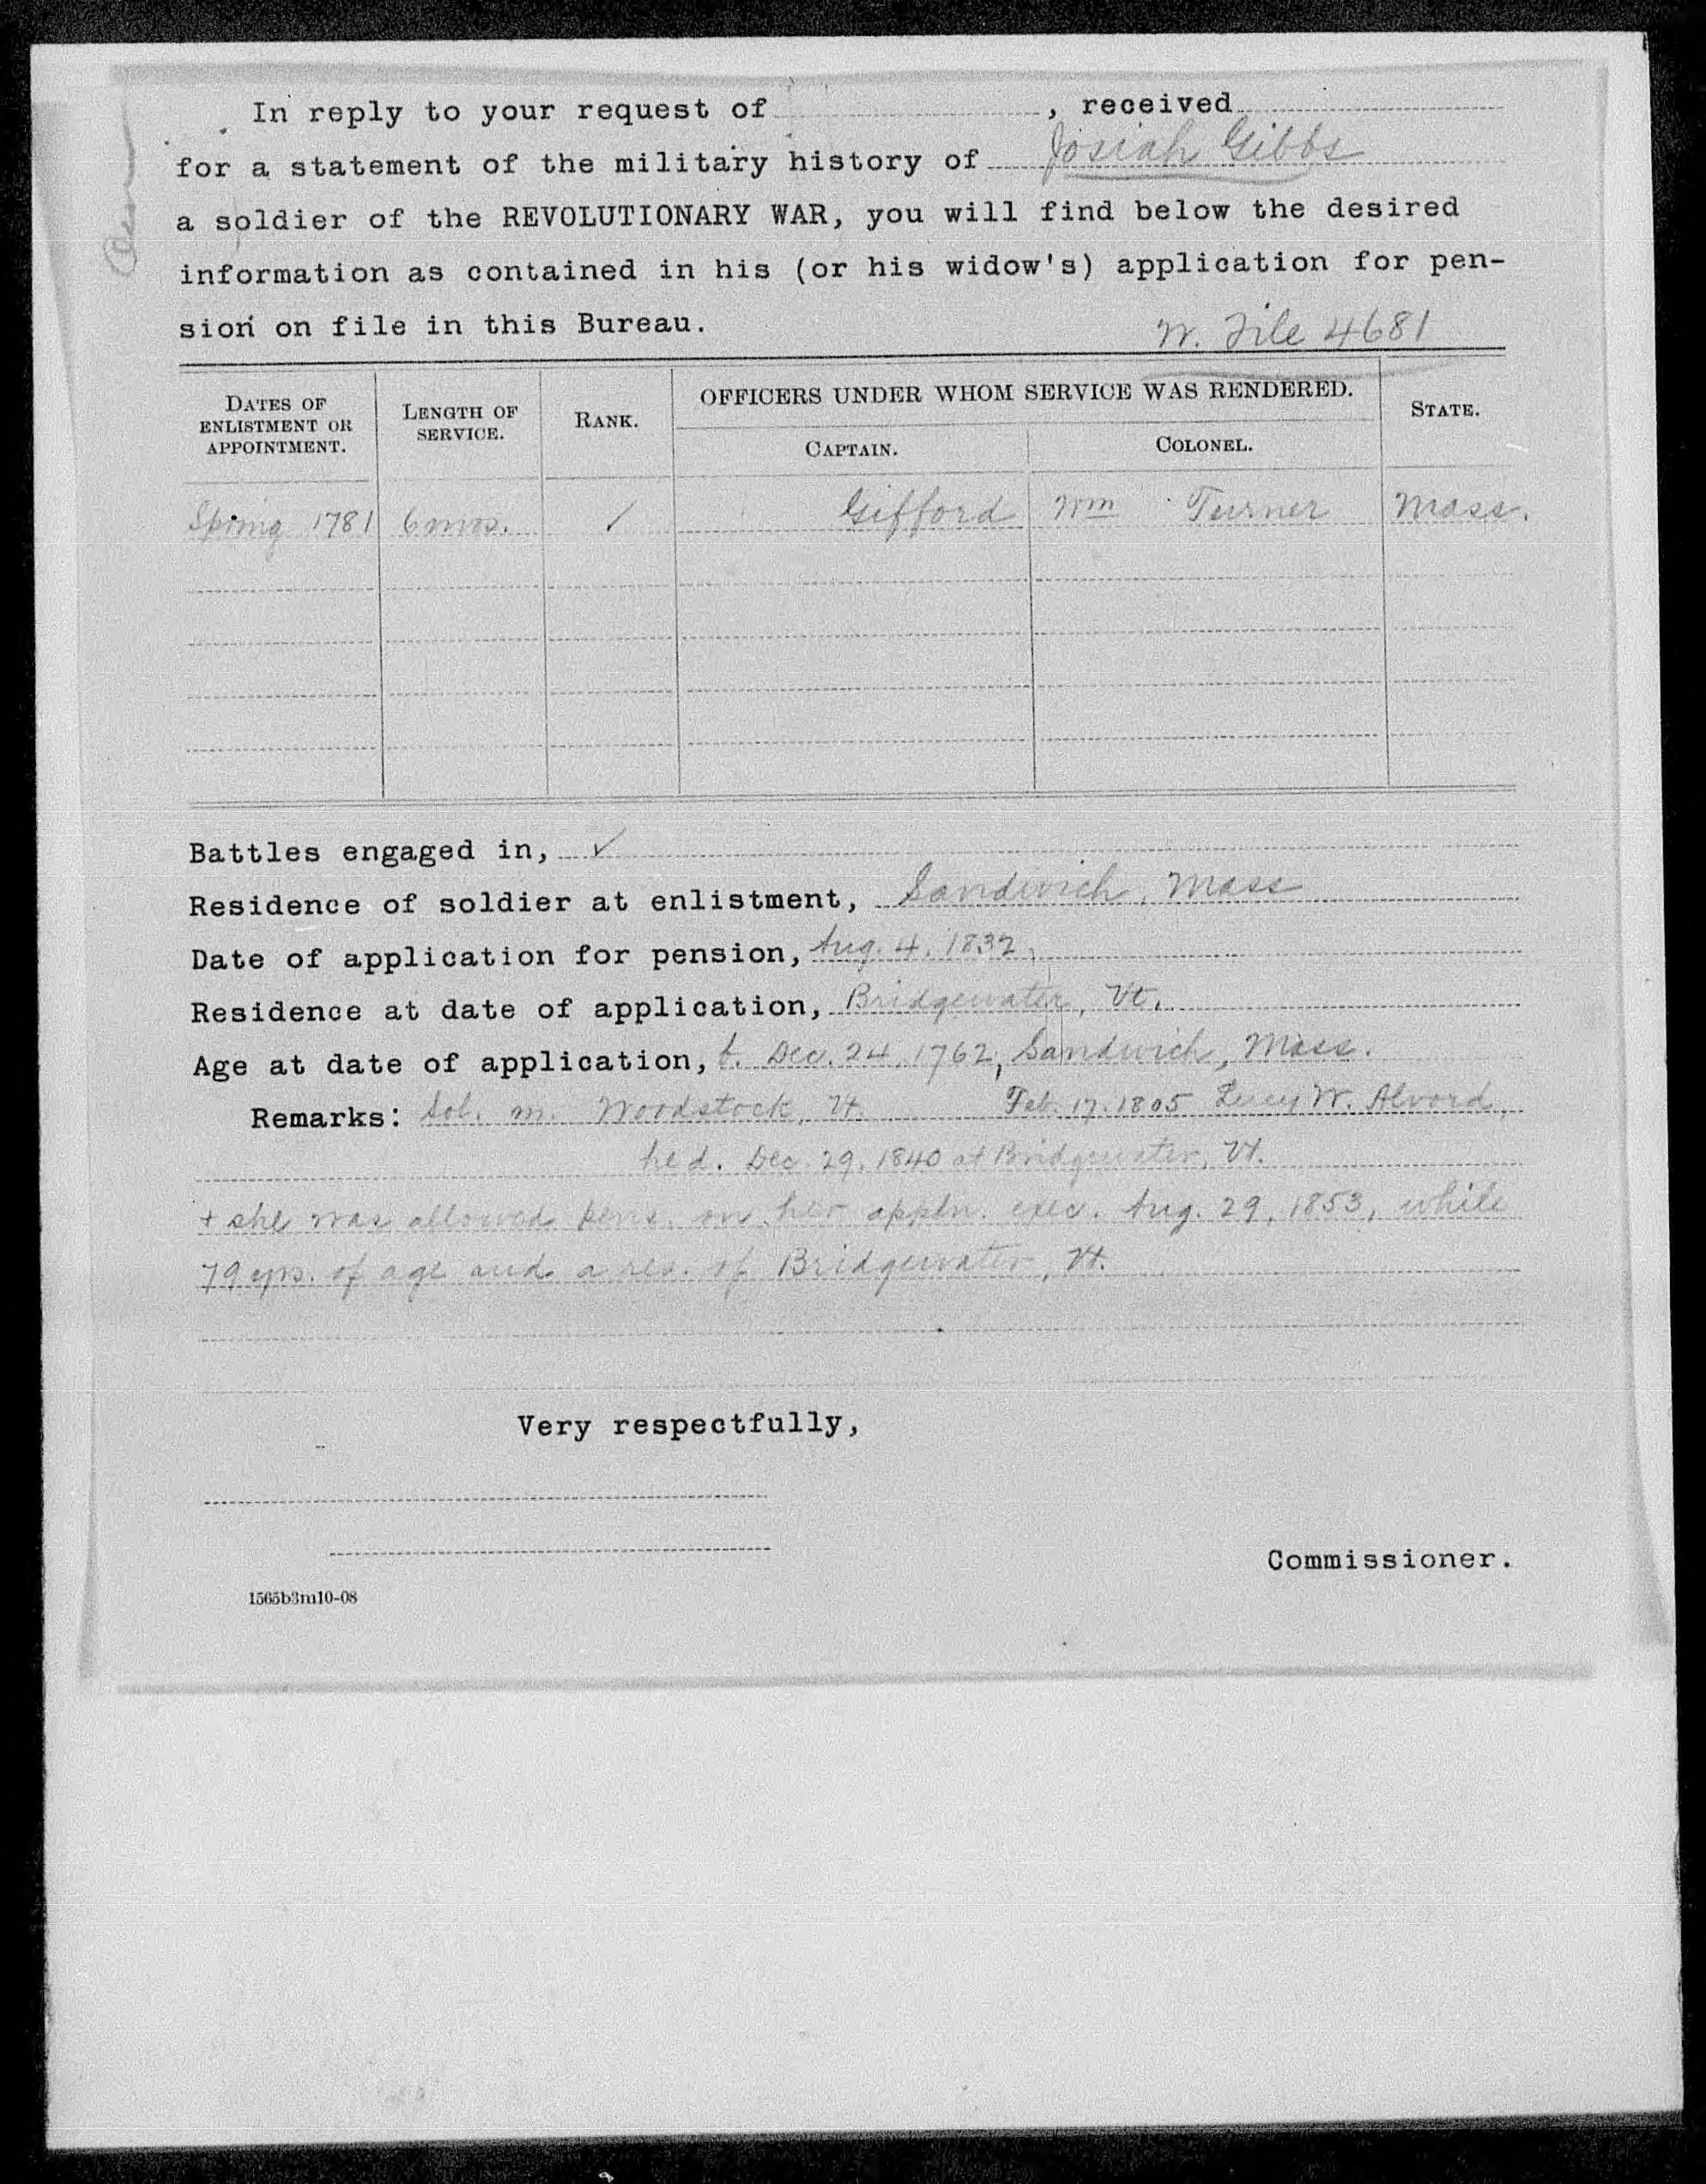In reply to your request of....................
received ............................................
for a statement of the military history of ....... Josiah Gibbs.....a soldier of the REVOLUTIONARY WAR, you will find below the desired information as contained in his (or his widow's) application for pension on file in this Bureau.  W. File 4681
DATES OF ENLISTMENT OR APPOINTMENT.
-Spring 1781
LENGTH OF SERVICE.....6 mos.
RANK......../.......
OFFICERS UNDER WHOM SERVICE WAS RENDERED.
CAPTAIN. .............Gifford
COLONEL.....Wm. Turner
STATE......Mass.
Battles engaged in,................./..........
Residence of soldier at enlistment,.. Sandwich, Mass.....
Date of application for pension ..., Aug. 4, 1832
Residence at date of application, Bridgewater, Vt....
Age at date of application,... b. Dec 24 1762; Sandwich, Mass.......
Remarks: Sol. M. Woodstock, Vt. ..... Feb 17. 1805 Lucy W. Alvord,.............
died. Dec. 29. 1840 at Bridgewater Vt........
& she was allowed pens. in her appln.... exec. Aug. 29, 1853, while
79 yrs of age and a res. of Bridgewater, Vt.

Very respectfully,
Commissioner.

156563 m 10-08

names: Wm Turner, Gifford, Josiah Gibbs, Lucy W Alvord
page: 17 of 33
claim: widow's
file: W. 4681, Josiah Gibbs, Mass